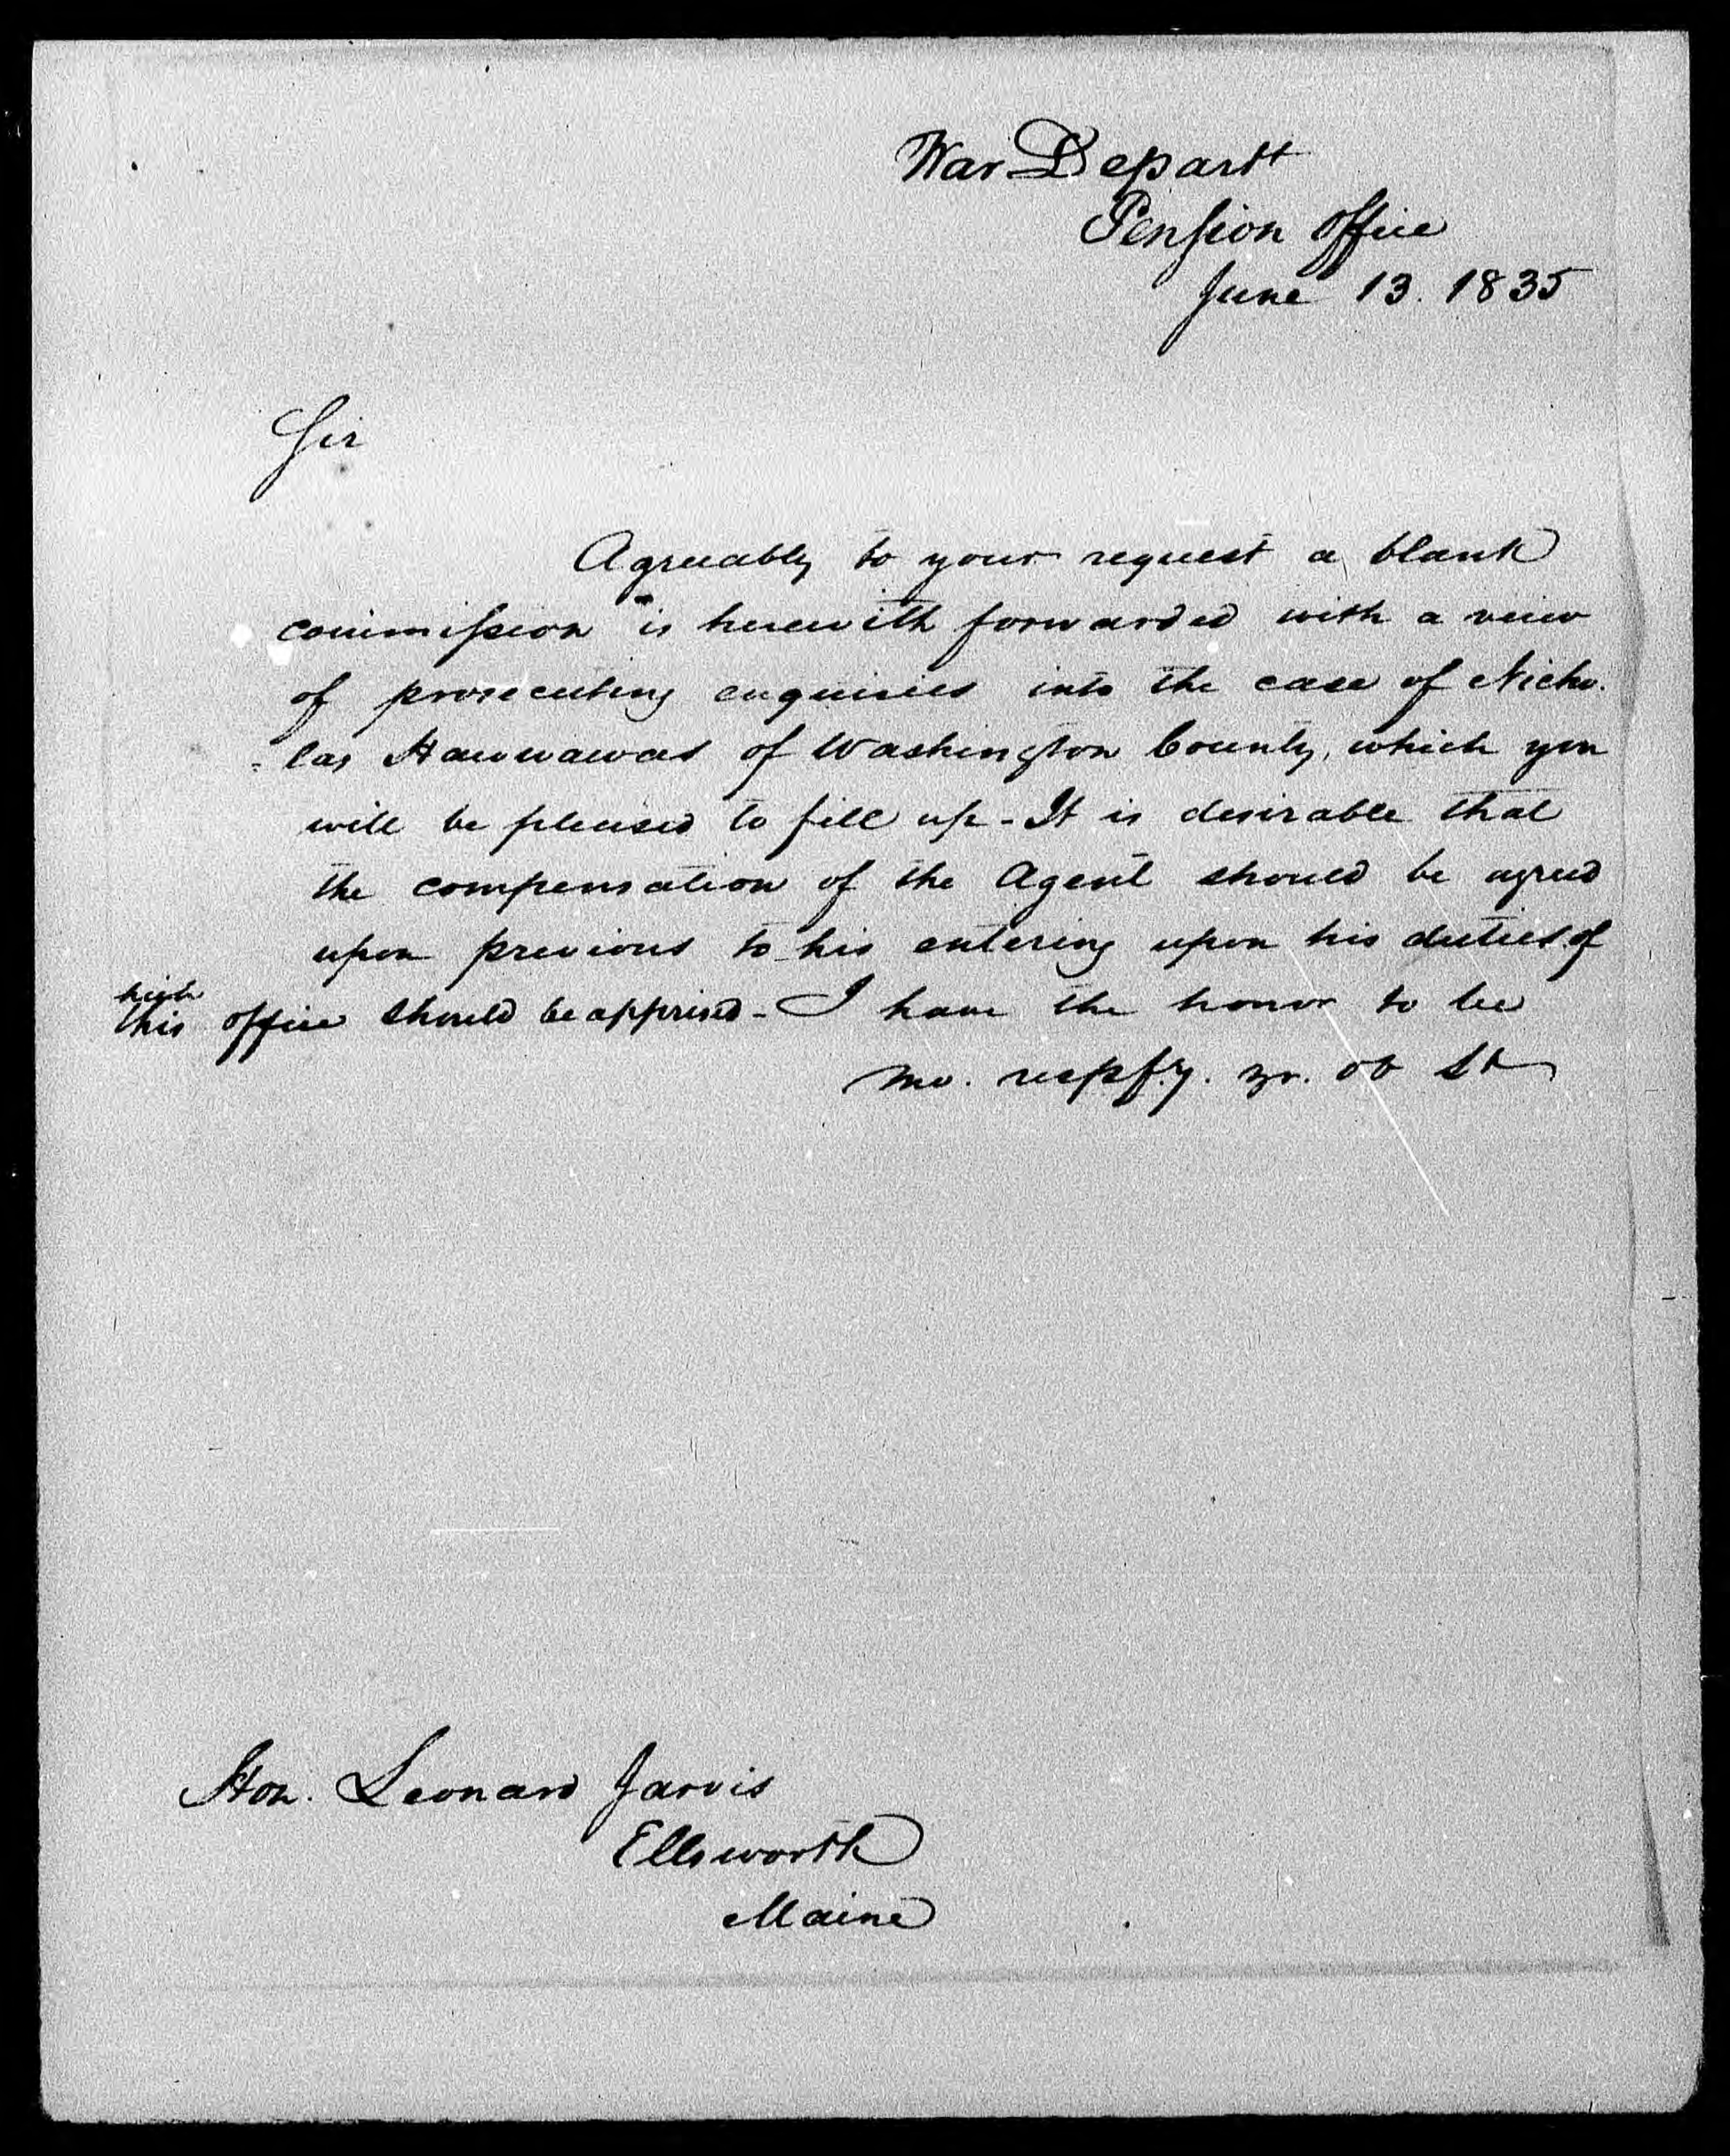War Depart
Pension Office
June 13. 1835
Sir

Agreeably to your request a blank commission is herewith forwarded with a view of prosecuting enquiries into the case of Nicholas Hawwawas of Washington County, which you will be pleased to fill up. It is desirable that the compensation of the Agent should be agreed upon previous to his entering upon his [duties] of this high office should be apprised. I have to honor to be
mo. respfy. yr. [?]

Hon. Leonard Jarvis
Ellsworth
Maine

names: Nicholas Hawwawas, Leonard Jarvis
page: 49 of 52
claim: survivor's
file: S 17997, Nicholas Hawwawas, Mass.